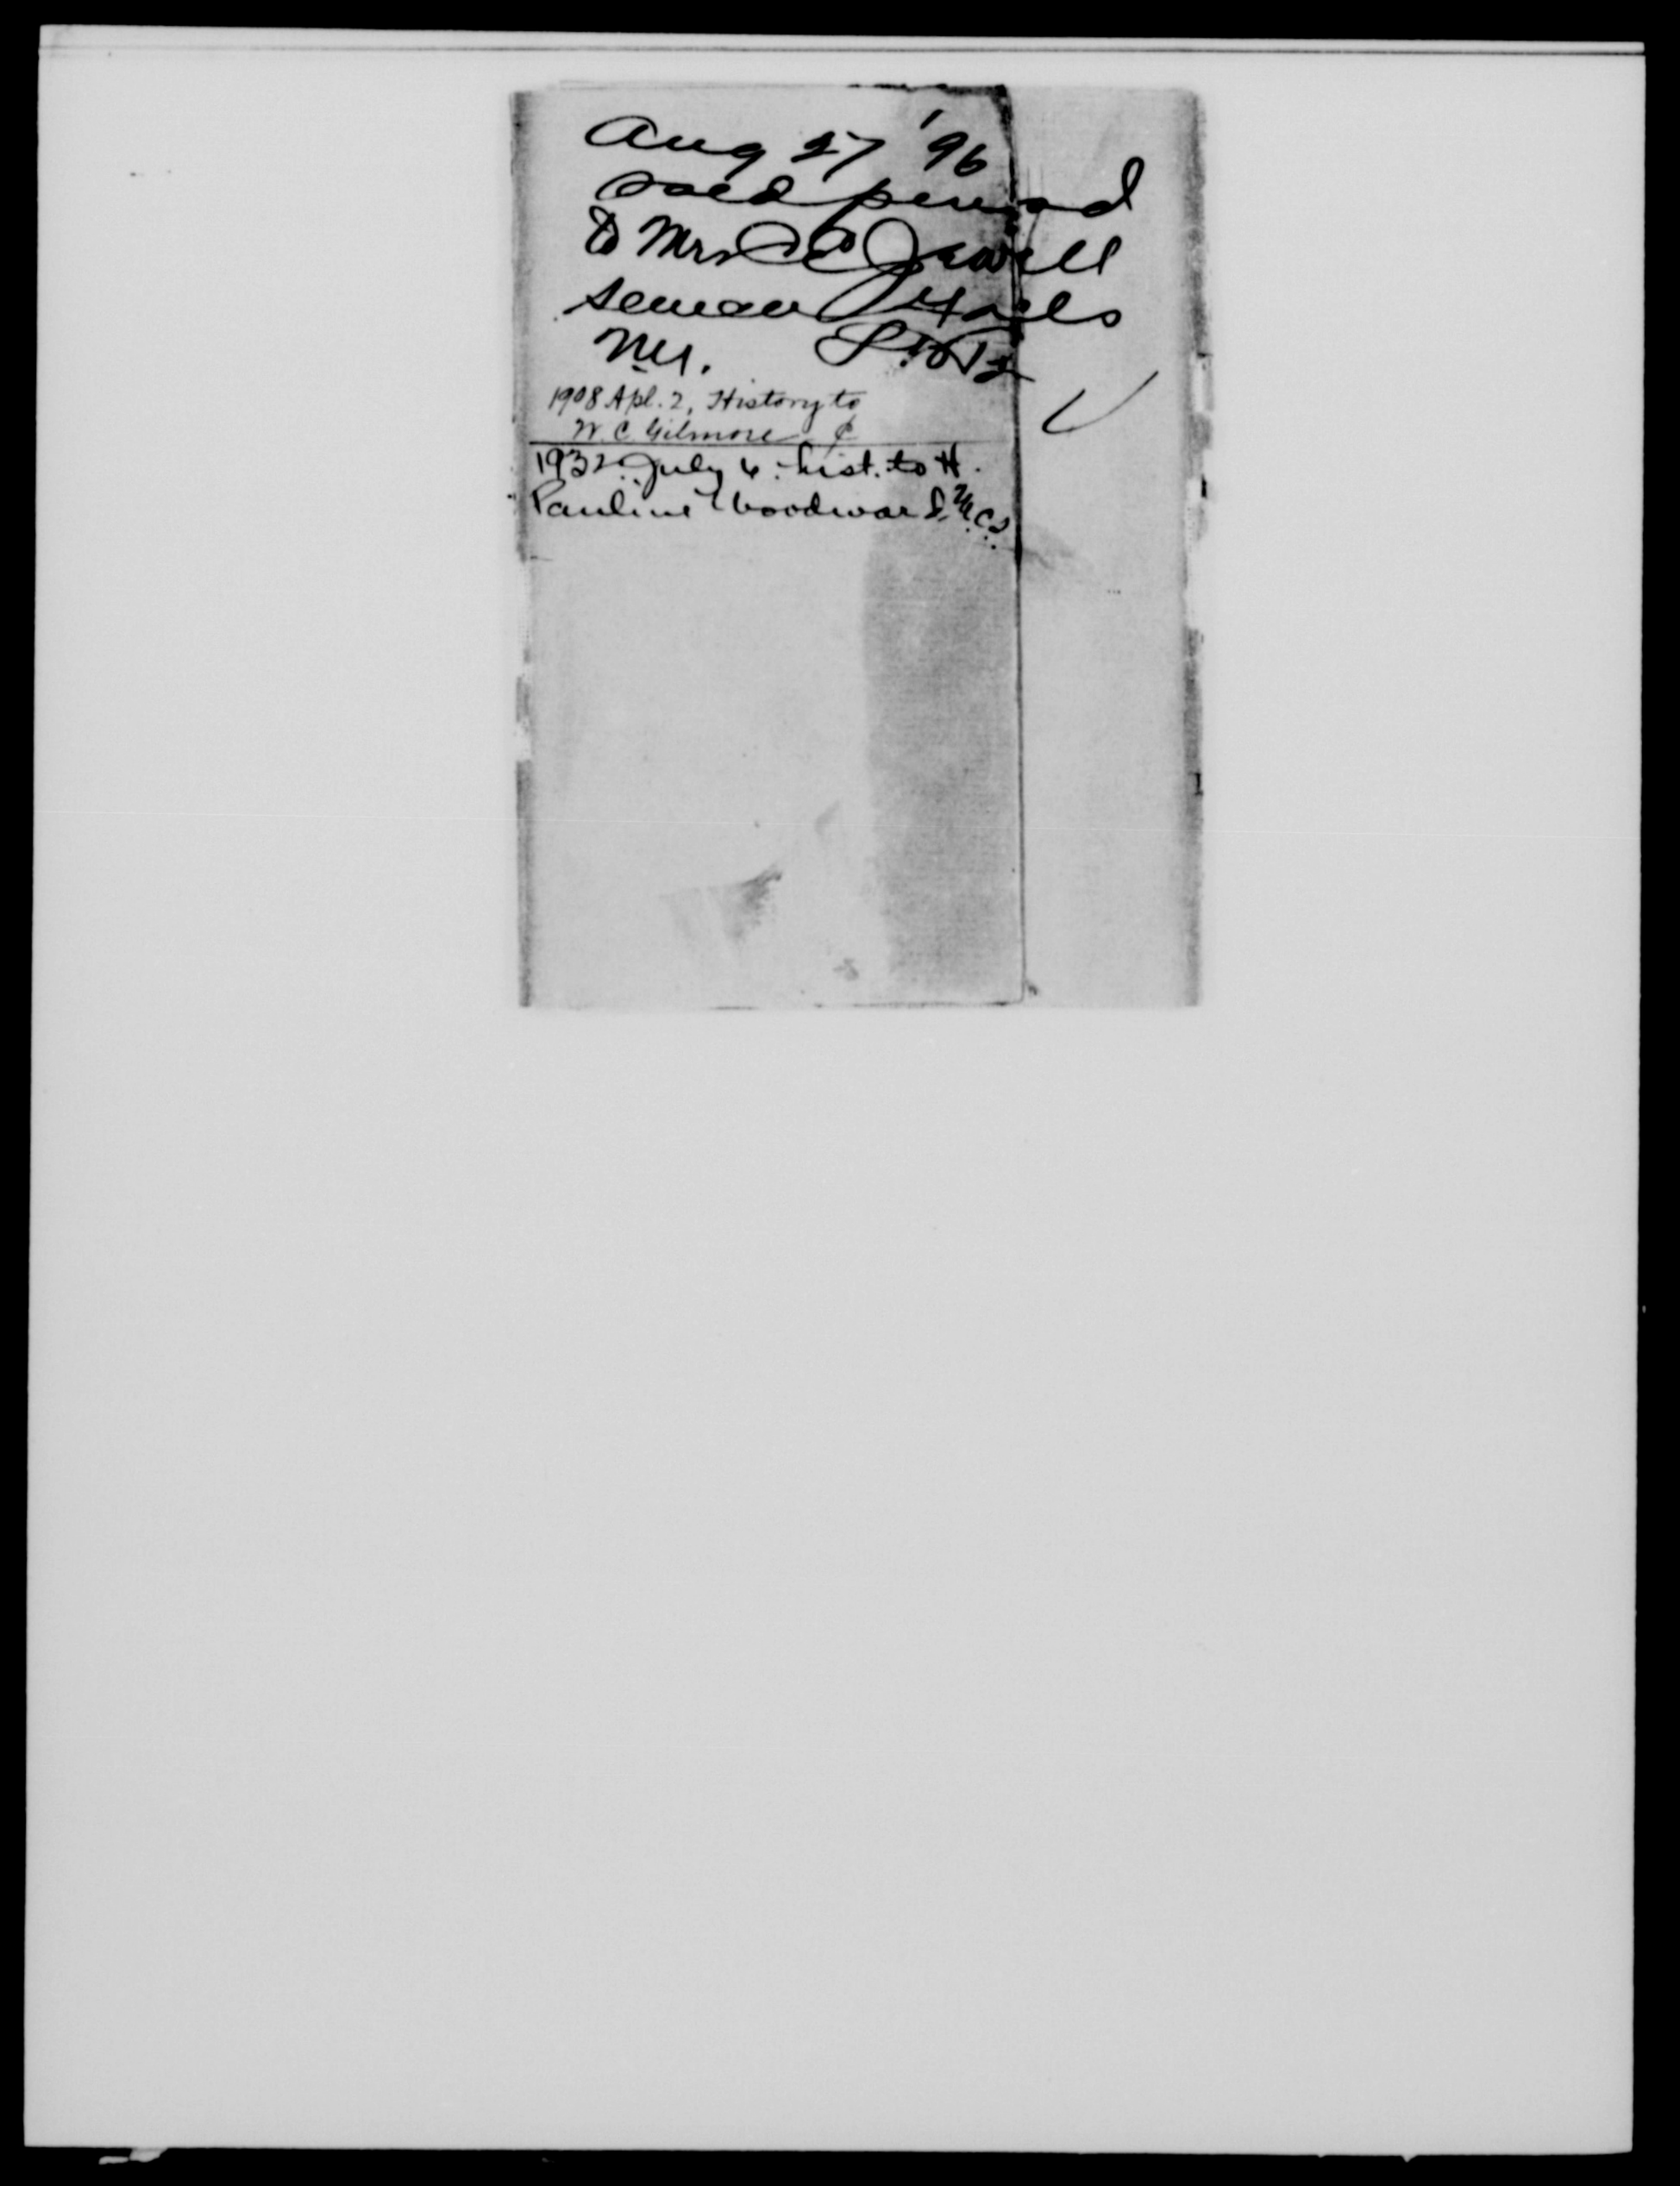Aug 27 ‘96
sold period
to Mrs C E Jewell
Seneca Falls N.Y.  [illegible]

1908 Apl. 2, History to W C. Gilmore ¢
1932 July 5 – hist to H. Pauline Woodward  M.C.S.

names: W C Gilmore; Pauline Woodward; C E Jewell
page: 15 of 23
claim: survivor's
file: S. 23008, for Benjamin Stage, New York